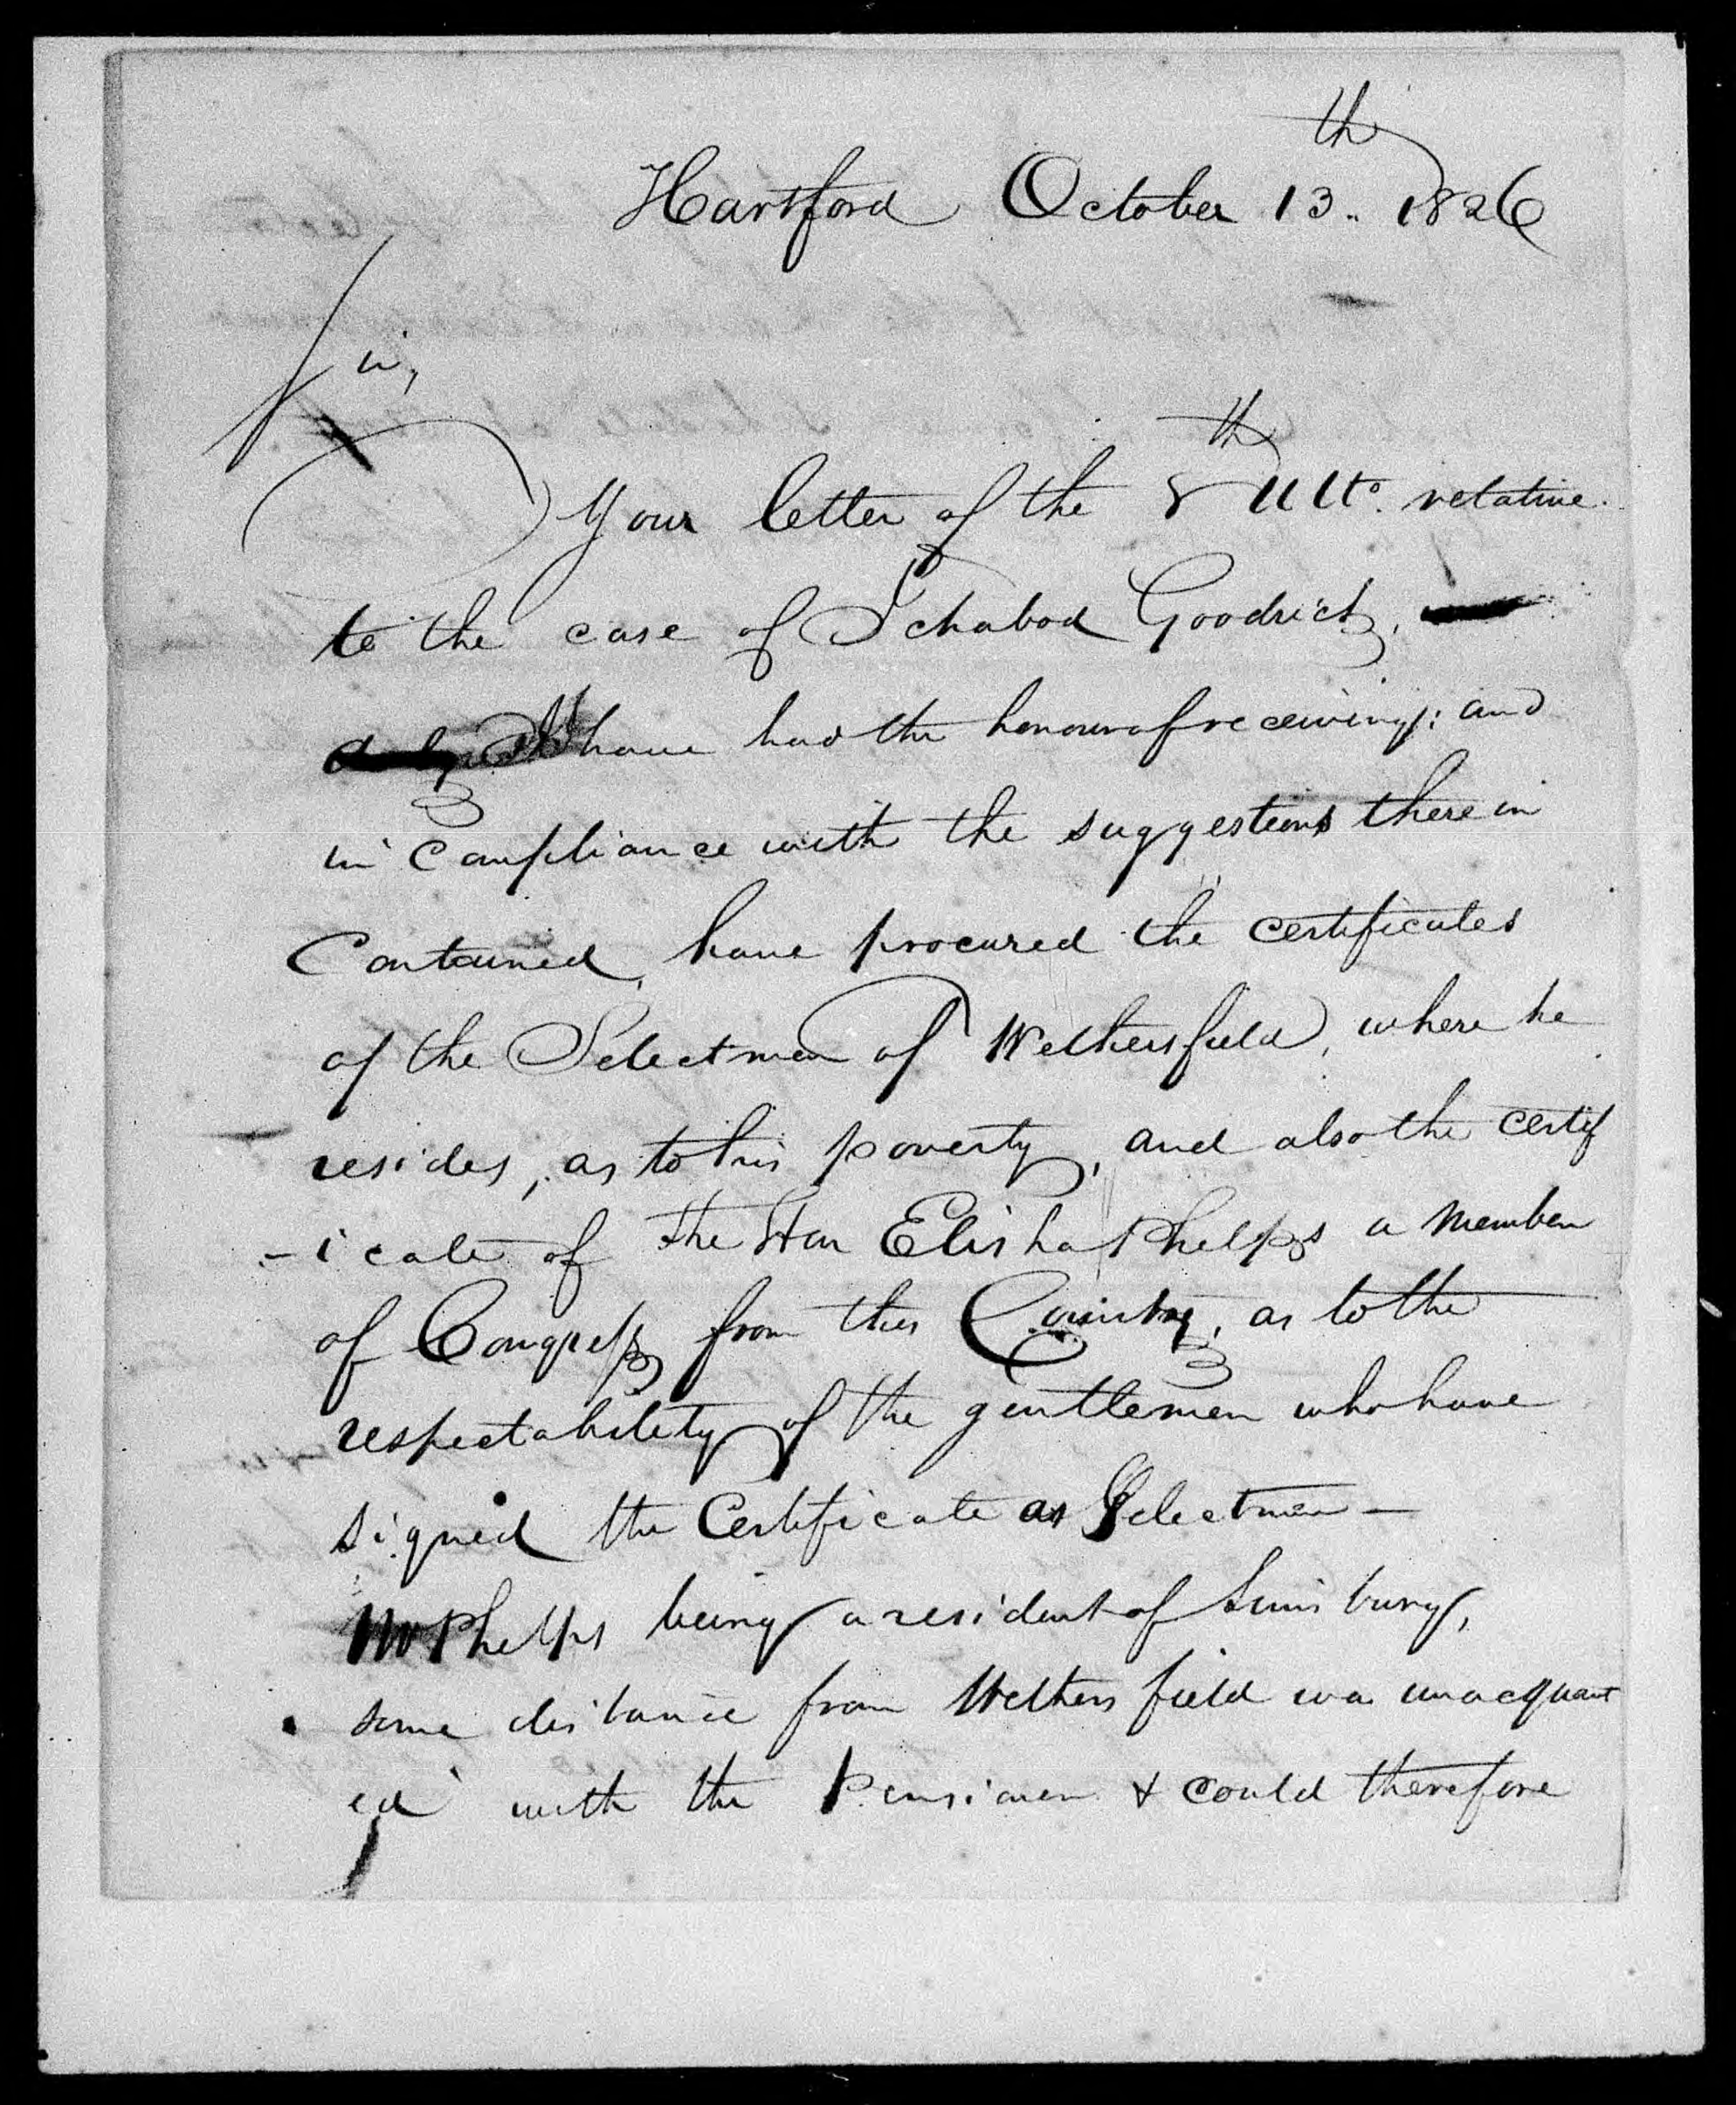Hartford October 13 1826

Sir,
Your letter of the 8th Oct relative to the case of Ichabod Goodrich, I have had the honor of receiving; and in compliance with the suggestions there in contained, have procured the certificates of the Selectmen of Wethersfield where he resides, as to his poverty, and also the certificate of the Hon. Elisha Phelps a member of Congress for this Country, as to the respectability of the gentlemen who have signed the certificate as Selectmen - Mr. Phelps being a resident of Sainsbury some distance from Wethersfield was unacquainted with the pensioner & could therefore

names: Ichabod Goodrich, Phelps, Elisha Phelps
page: 41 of 46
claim: survivor's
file: S. 36,556, Ichabod Goodrich, Conn.